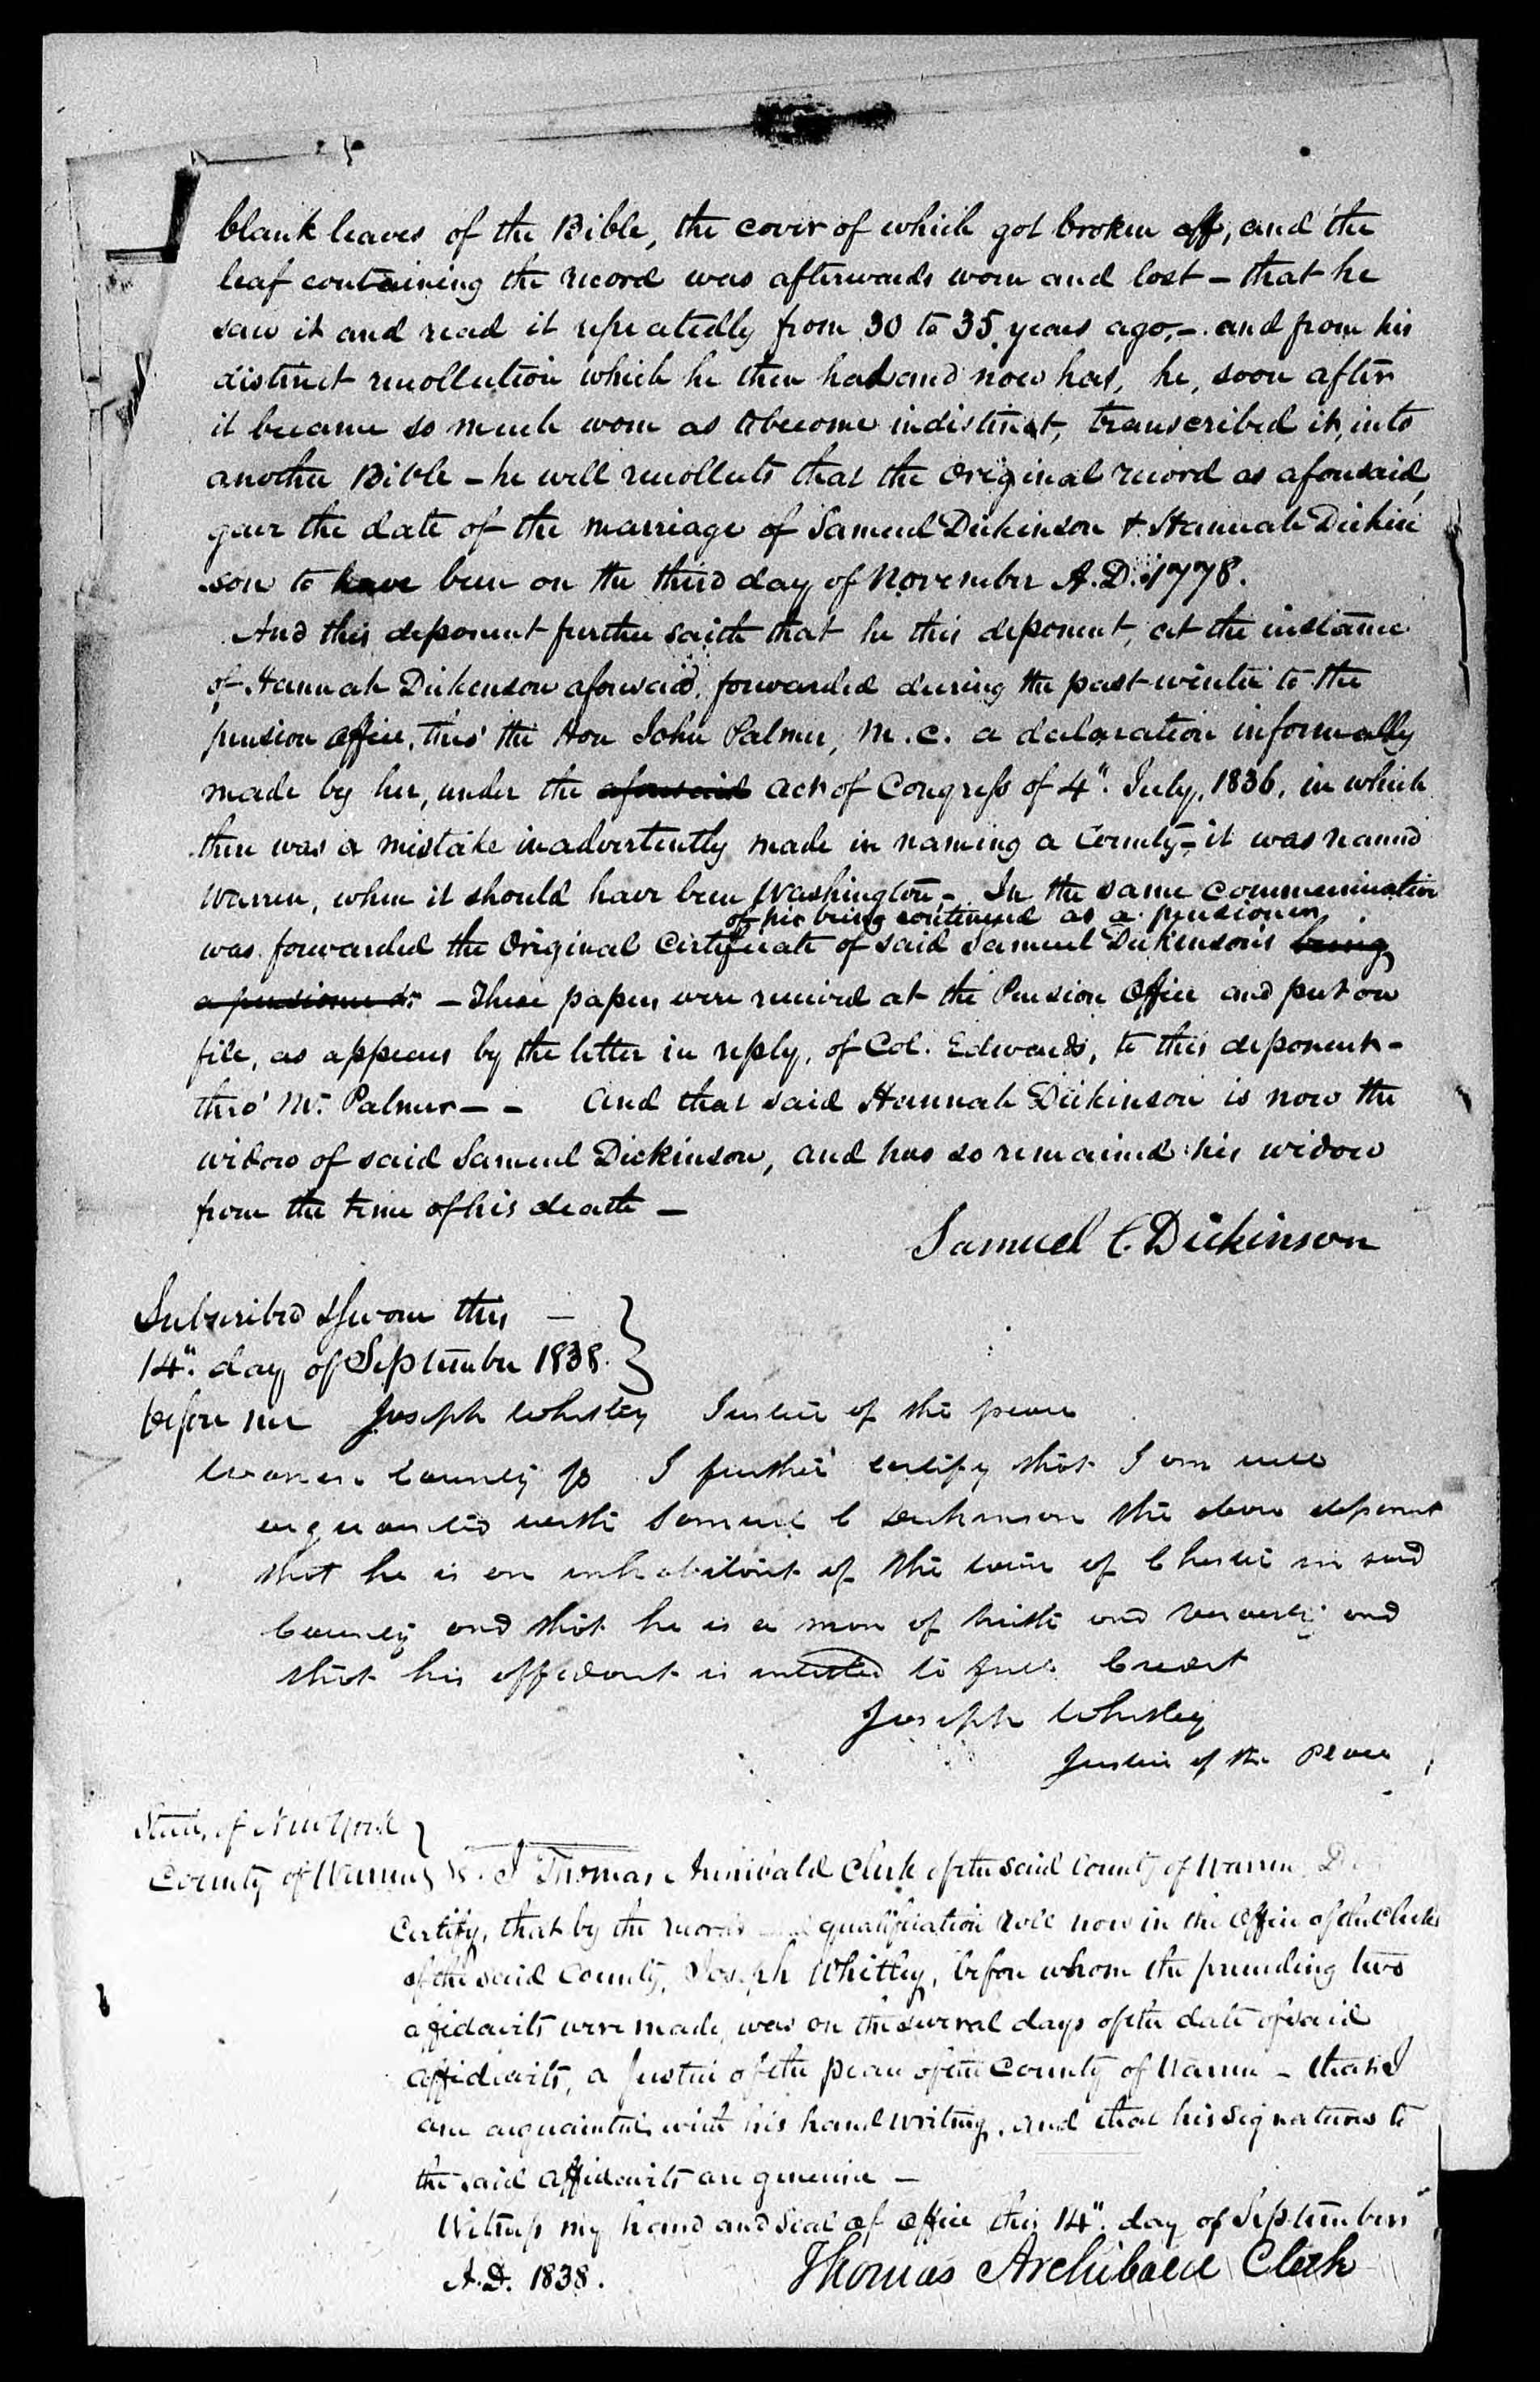blank leaves of the Bible, the corner of which got broken off, and the leaf containing the record was afterwards worn and lost -- that he saw it and read it repeatedly from 30 to 35 years ago -- and from his distant recollection which he then had and he now has, he soon after it because so much worn as it became indistinct, transcribed it into another Bible -- he will recollect that the original record as aforesaid, gave the date of the marriage of Samuel Dickinson & Hannah Dickinson to have been on the third day of November A.D. 1778.
And this deponent further saith that he this deponent, at the insistence of Hannah Dickinson aforesaid, forwarded during the past winter to the Pension Office, [...] the Hon John Palmer, M.C., a declaration informally made by her, under the Act of Congress of 4th July, 1836, in which there was a mistake inadvertently made in naming a County: it was named Warren when it should have been named Washington.  In the same communication was forwarded the original certificate of his being [...] as a pensioner of said Samuel Dickinson -- These papers were received at the Pension Office and put on file, as appears by the letter in reply of Col. Edwards, to the deponents thru' NV. Palmer -- And that said Hannah Dickinson is now the widow of said Samuel Dickinson, and has so remained his widow from the date of his death --
Samuel C. Dickinson
Subscribed before this 
14th day of September 1838
before Mr Joseph Whitley [...] I further certify that I am well acquainted with Samuel C. Dickinson [...] that he is an inhabitant of this town of [...] of said County and that he is a man of [...] and [...] and that his [...] is [...] Joseph Whitley
Justice of the Peace

State of [...]
County of Warren
I Thomas Archibald Clerk of the said County of Warren Do certify that by the [...] qualification role in the office of the Clerks of the said County, Joseph Whitley, before whom the providing two affidavits was made [...] on [...] days of [...] date aforesaid affidavits, a Justice of the Peace of the County of Warren -- that I am acquainted with his handwriting, and that his signatures to the said affidavits are genuine--
[...] my hand and seal of office this 14th day of September A.D. 1838.  Thomas Archibald Clerk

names: Hannah Dickinson, Joseph Whitley, Hannah Dickinson, Joseph Whitley, Samuel C Dickinson, Hannah Dickinson, Samuel Dickinson, Joseph Whitley, Thomas Archibald, Samuel C Dickinson, Samuel Dickinson, Thomas Archibald, Palmer, Samuel Dickinson, John Palmer, Edwards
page: 56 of 60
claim: widow's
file: W 16,955, Samuel Dickinson, Conn.